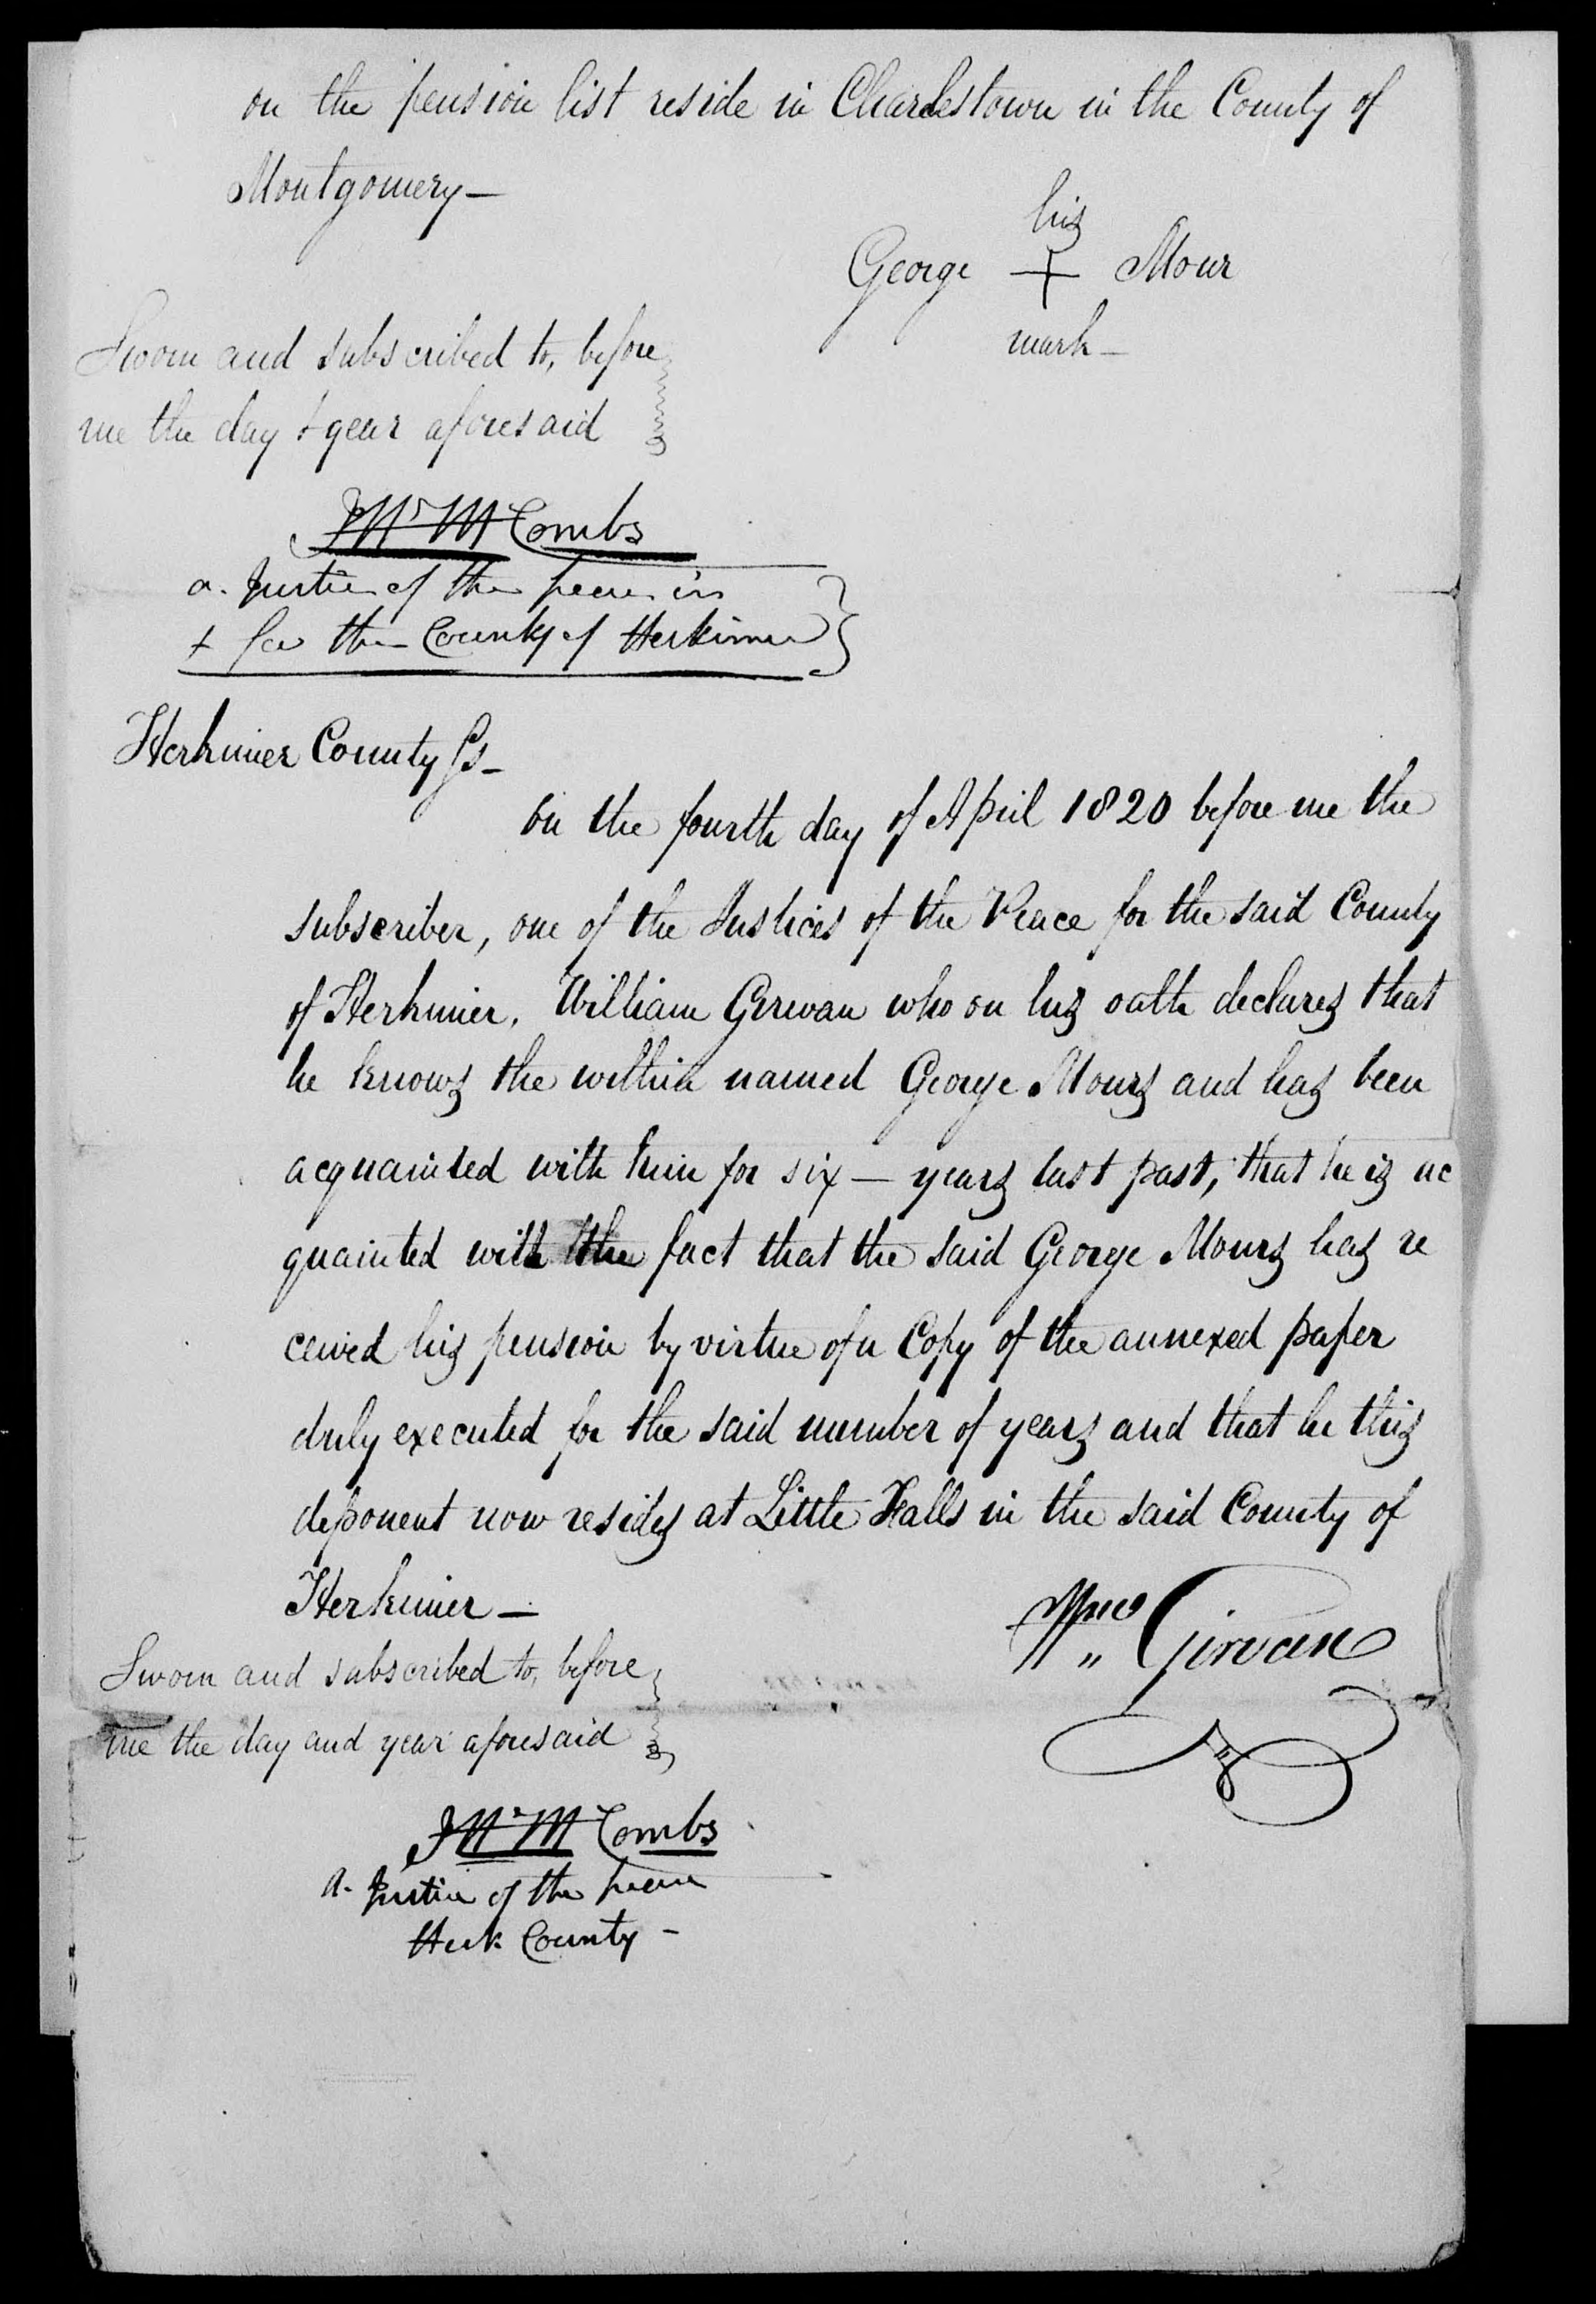on the pension list reside in Charlestown in the County of Montgomery.
George (+ his mark) Mour

Sworn and subscribed to before me the day & year aforesaid}
[signed] MM Combs
a Justice of the peace in & for the County of Herkimer}

Herkimer County ss:
On the fourth day of April 1820 before me the subscriber, one of the Justices of the Peace for the said County of Herkimer, William Gurwan who on his oath declares that he knows the within named George Mours and has been acquainted with him for six years last past, that he is acquainted with the fact that the said George Mours has received his pension by virtue of a Copy of the annexed paper duly executed for the said number of years and that he this deponent now resides at Little Falls in the said County of Herkimer.
[signed] Wm. Girvan

Sworn and subscribed to before me the day and year aforesaid}
MM Combs
A Justice of the peace 
Herk County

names: George Mour; William Girwan; George Mours; J W Mc Combs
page: 9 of 11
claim: survivor's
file: S. 27,210, for George Mour, New York